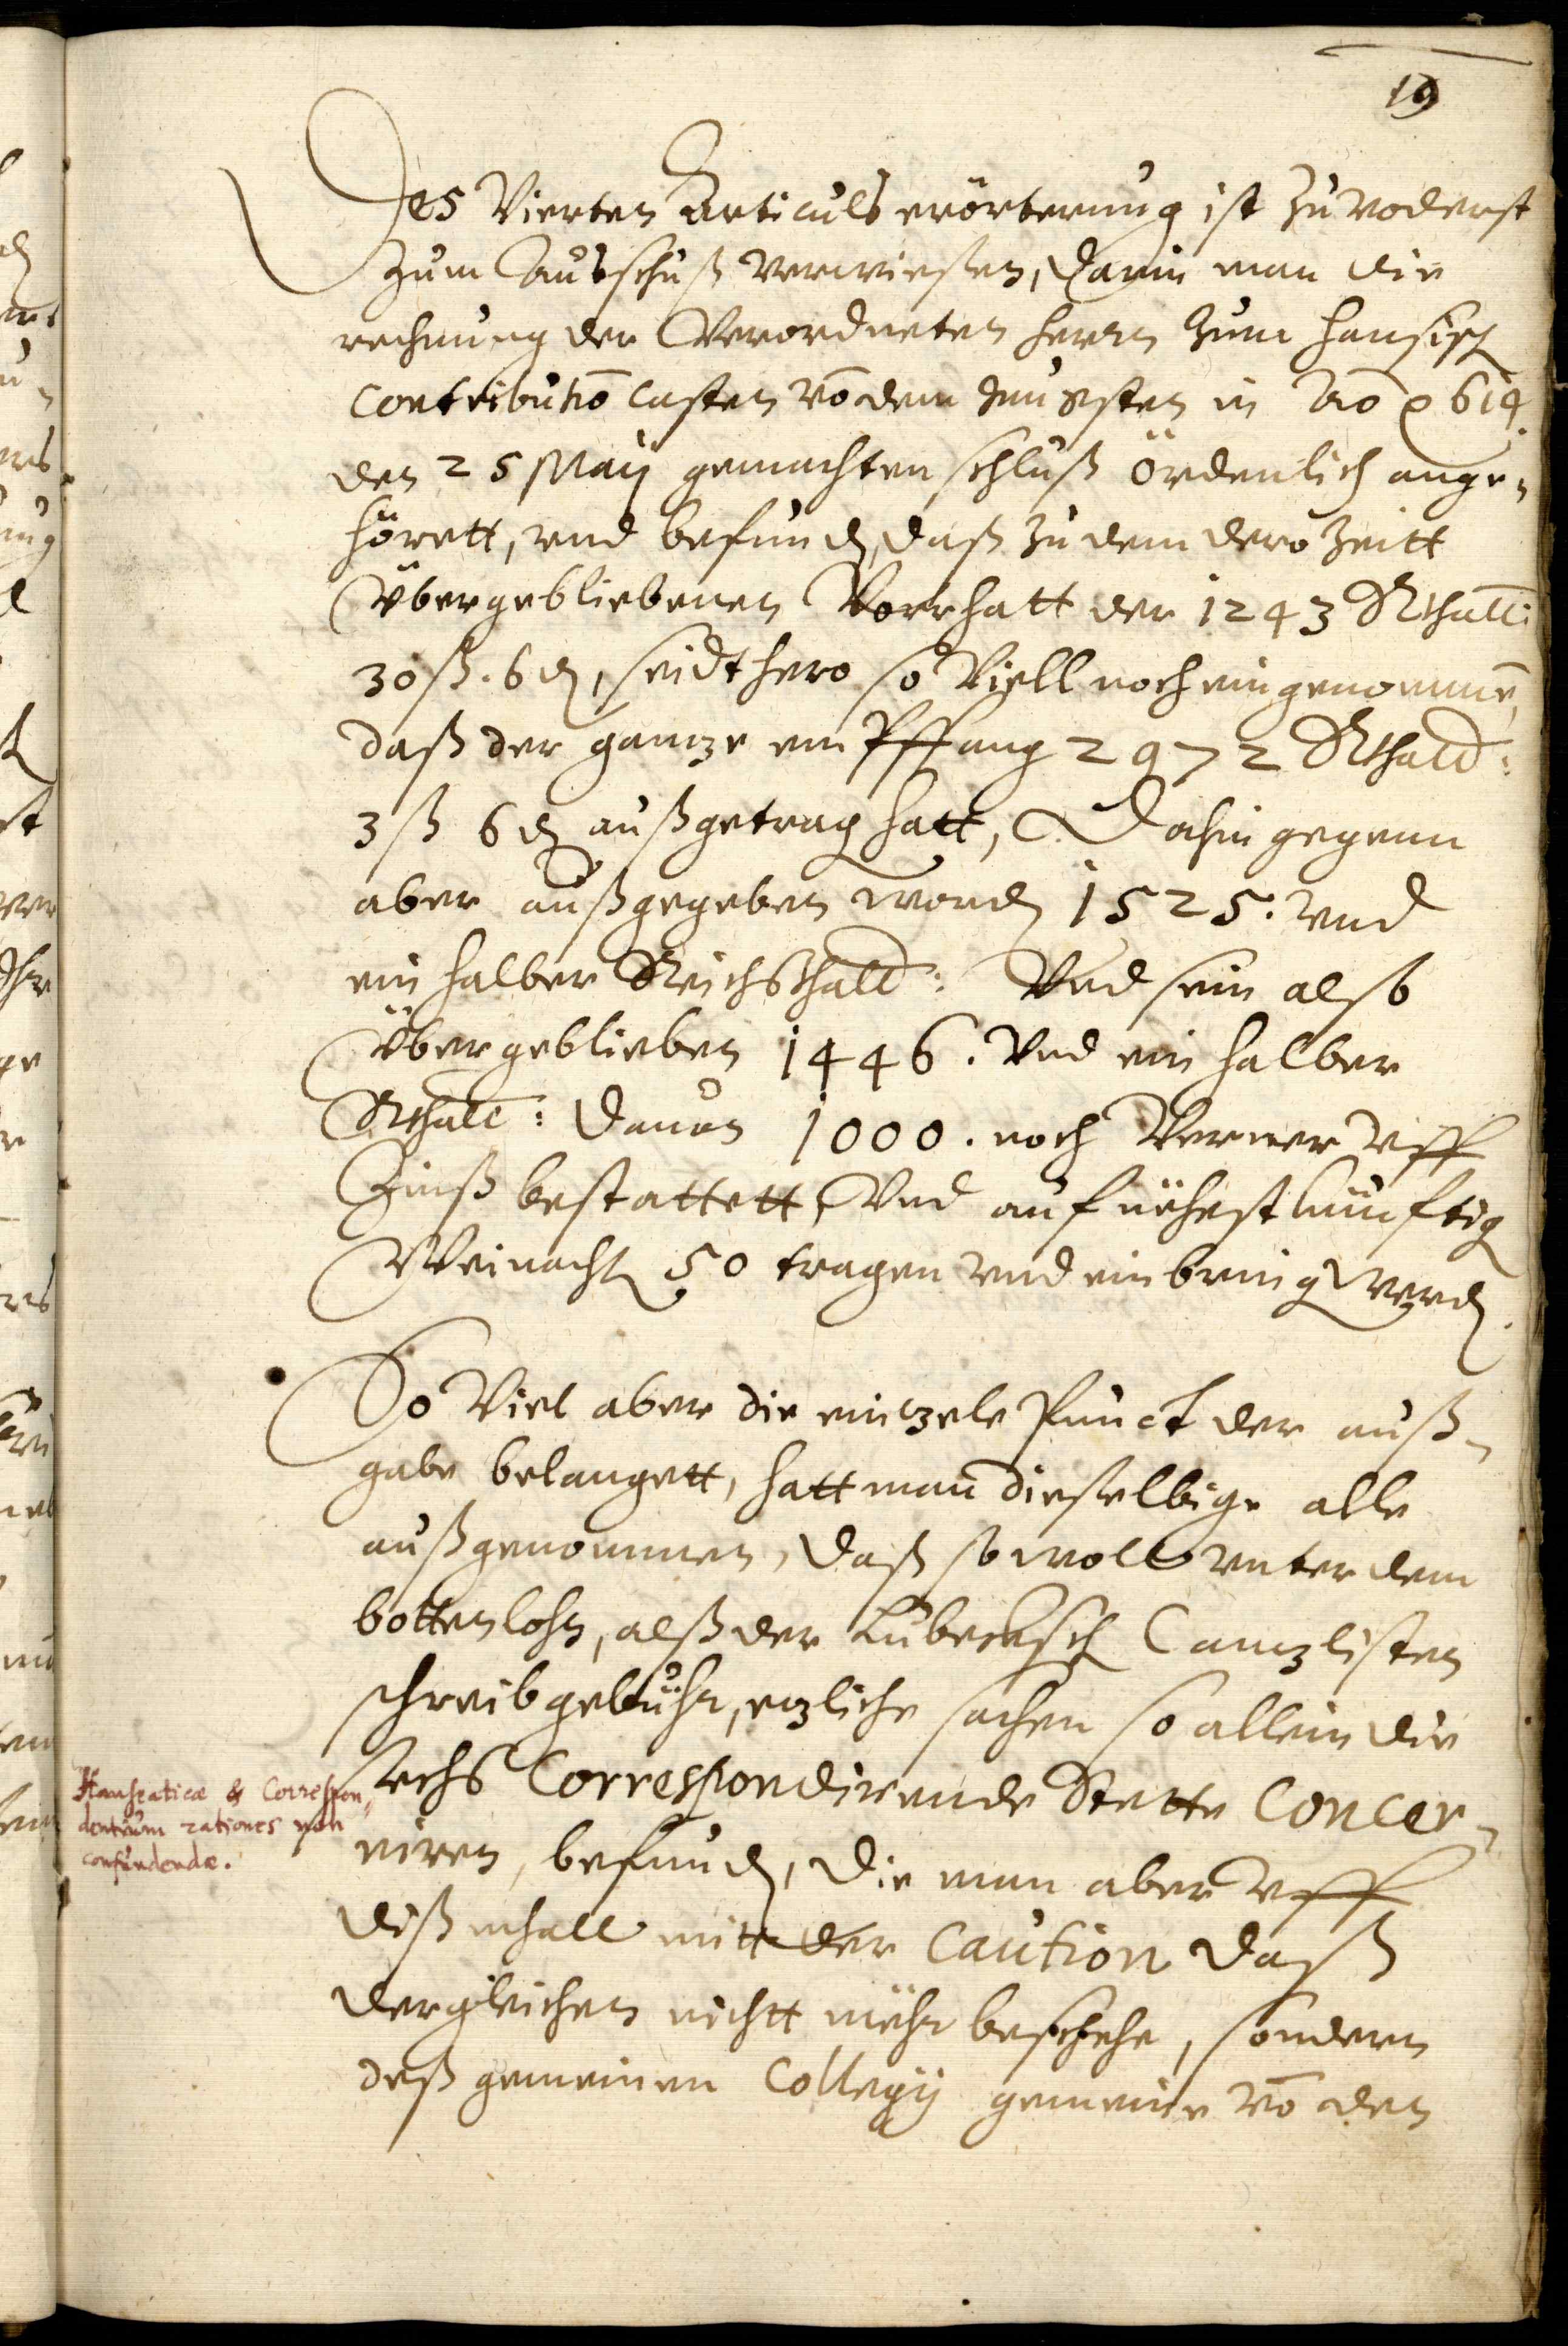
19
Des Vierten Articuls erörterung ist zu voderst
Zum Ausschuß verwiesen, darin man die
rechnung der Verordneten herrn zuer Hansischen
contribution casten von dem jungsten in Ao p 619.
den 25. Maij gemachten schluß ördenlich ange¬
hörett, vnd befunden, daß zu dem dero zeitt
vbergebliebenen Vorrhatt der 1243 Rthall:
30 ß. 6 den seidthero, so Viell noch eingenommen,
daß der gantze empffang 2972 Rthaller:
3ß 6 den außgetragen hatt, Dahin gegenn
aber außgegeben worden 1525. vnd
ein halber Reichsthaller: Vnd sein also
vber geblieben 1446. vnd von halber
Rthaller: Dauon 1000. noch verner vff
Zinß bestattett, Vnd auf nehest künftigen
Weinachten 50 tragen vnd einbringen werden.
So Viel aber die eintzele Punct der auß¬
gabe belangett, hatt man dieselbige alle
außgenommen, daß so woll vnter dem
bottenlohn, alß der Lubeckschen Cantzlisten
schreibgebühr, etzliche sachen so allein die
sechs Correspondirende Stette Concer¬
niren, befunden, die man aber vff
diß mhall mitt der Caution daß
dergleichen nichtt mehr beschehe, sondern
deß gemeinen Collegij gemeine von den
Hanseaticae & Correspon¬
dentium rationes non
confundenda.
